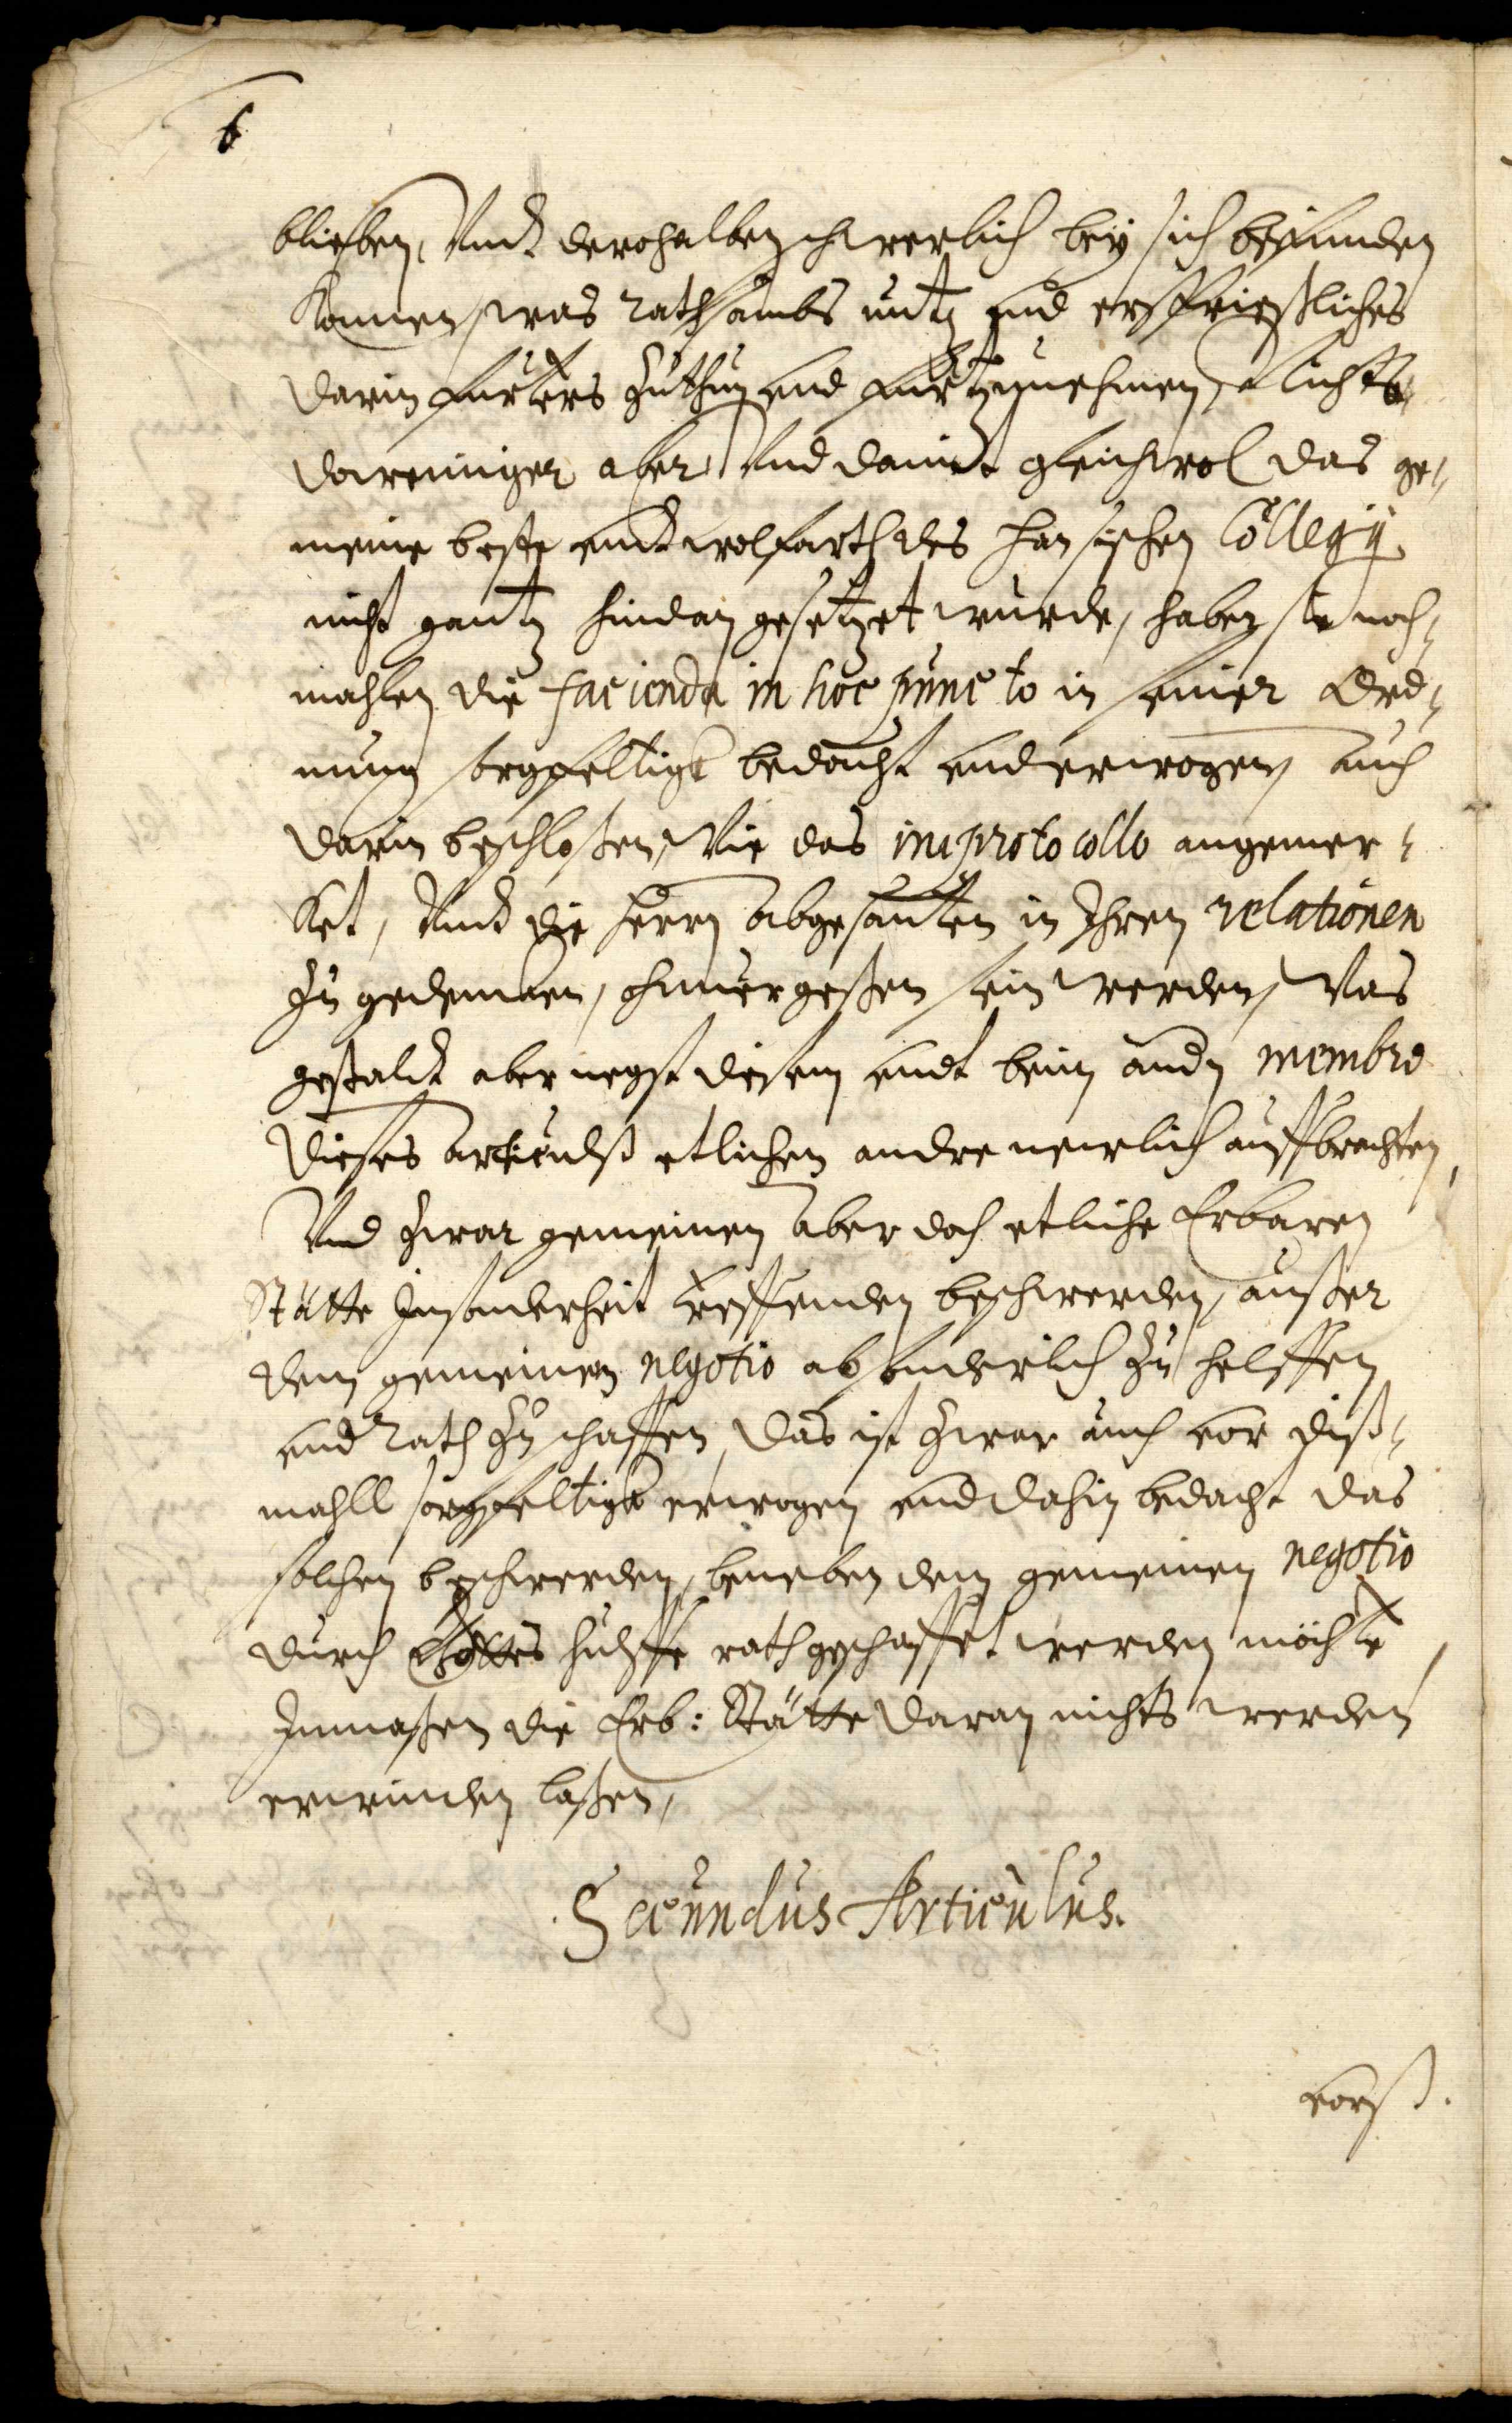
6
blieben, Vndt derohalben schwerlich beij sich befinden
konnen, was rathsambs nutz vnd ersprießliches
darin furters Zuthun vnd furtzunehmen, Nichts¬
doweiniger aber Vnd damit gleichwol das ge¬
meine beste vndt wolfarth des hansischen Collegij
nicht gantz hindan gesetzet wurde, haben se noch¬
mahlen die facienda in hoc puncto in seiner Ord¬
nung beyfeltigk bedacht vnderwogen, auch
darin beschloßen, Wie das im protocollo angemer¬
ket, Vndt die herrn abgesanten in Ihren relationen
Zu gedencken, ohnvergeßen sein werden, Was
gestaldt aber negst diesem vndt beim andern membro
dieses articulß etlichen andre newlich auffbrachten,
Vnd Zwar gemeinen aber doch etliche Erbaren
Stätte Insonderheit treffenden beschwerden, außer
dem gemeinem negotio absonderlich Zu helffen
vndRath Zu schaffen, das ist Zwar auch vor diß¬
mahll sorgfeltigk erwogen vnd dahin bedacht das
solchen beschwerden beneben dem gemeinen negotio
durch Gottes hulffe rath geschafftet werden möchte
Inmaßen die Erb: Stätte daran nichts werden
erwinden laßen,
Secundus Articulus.
vorß.
